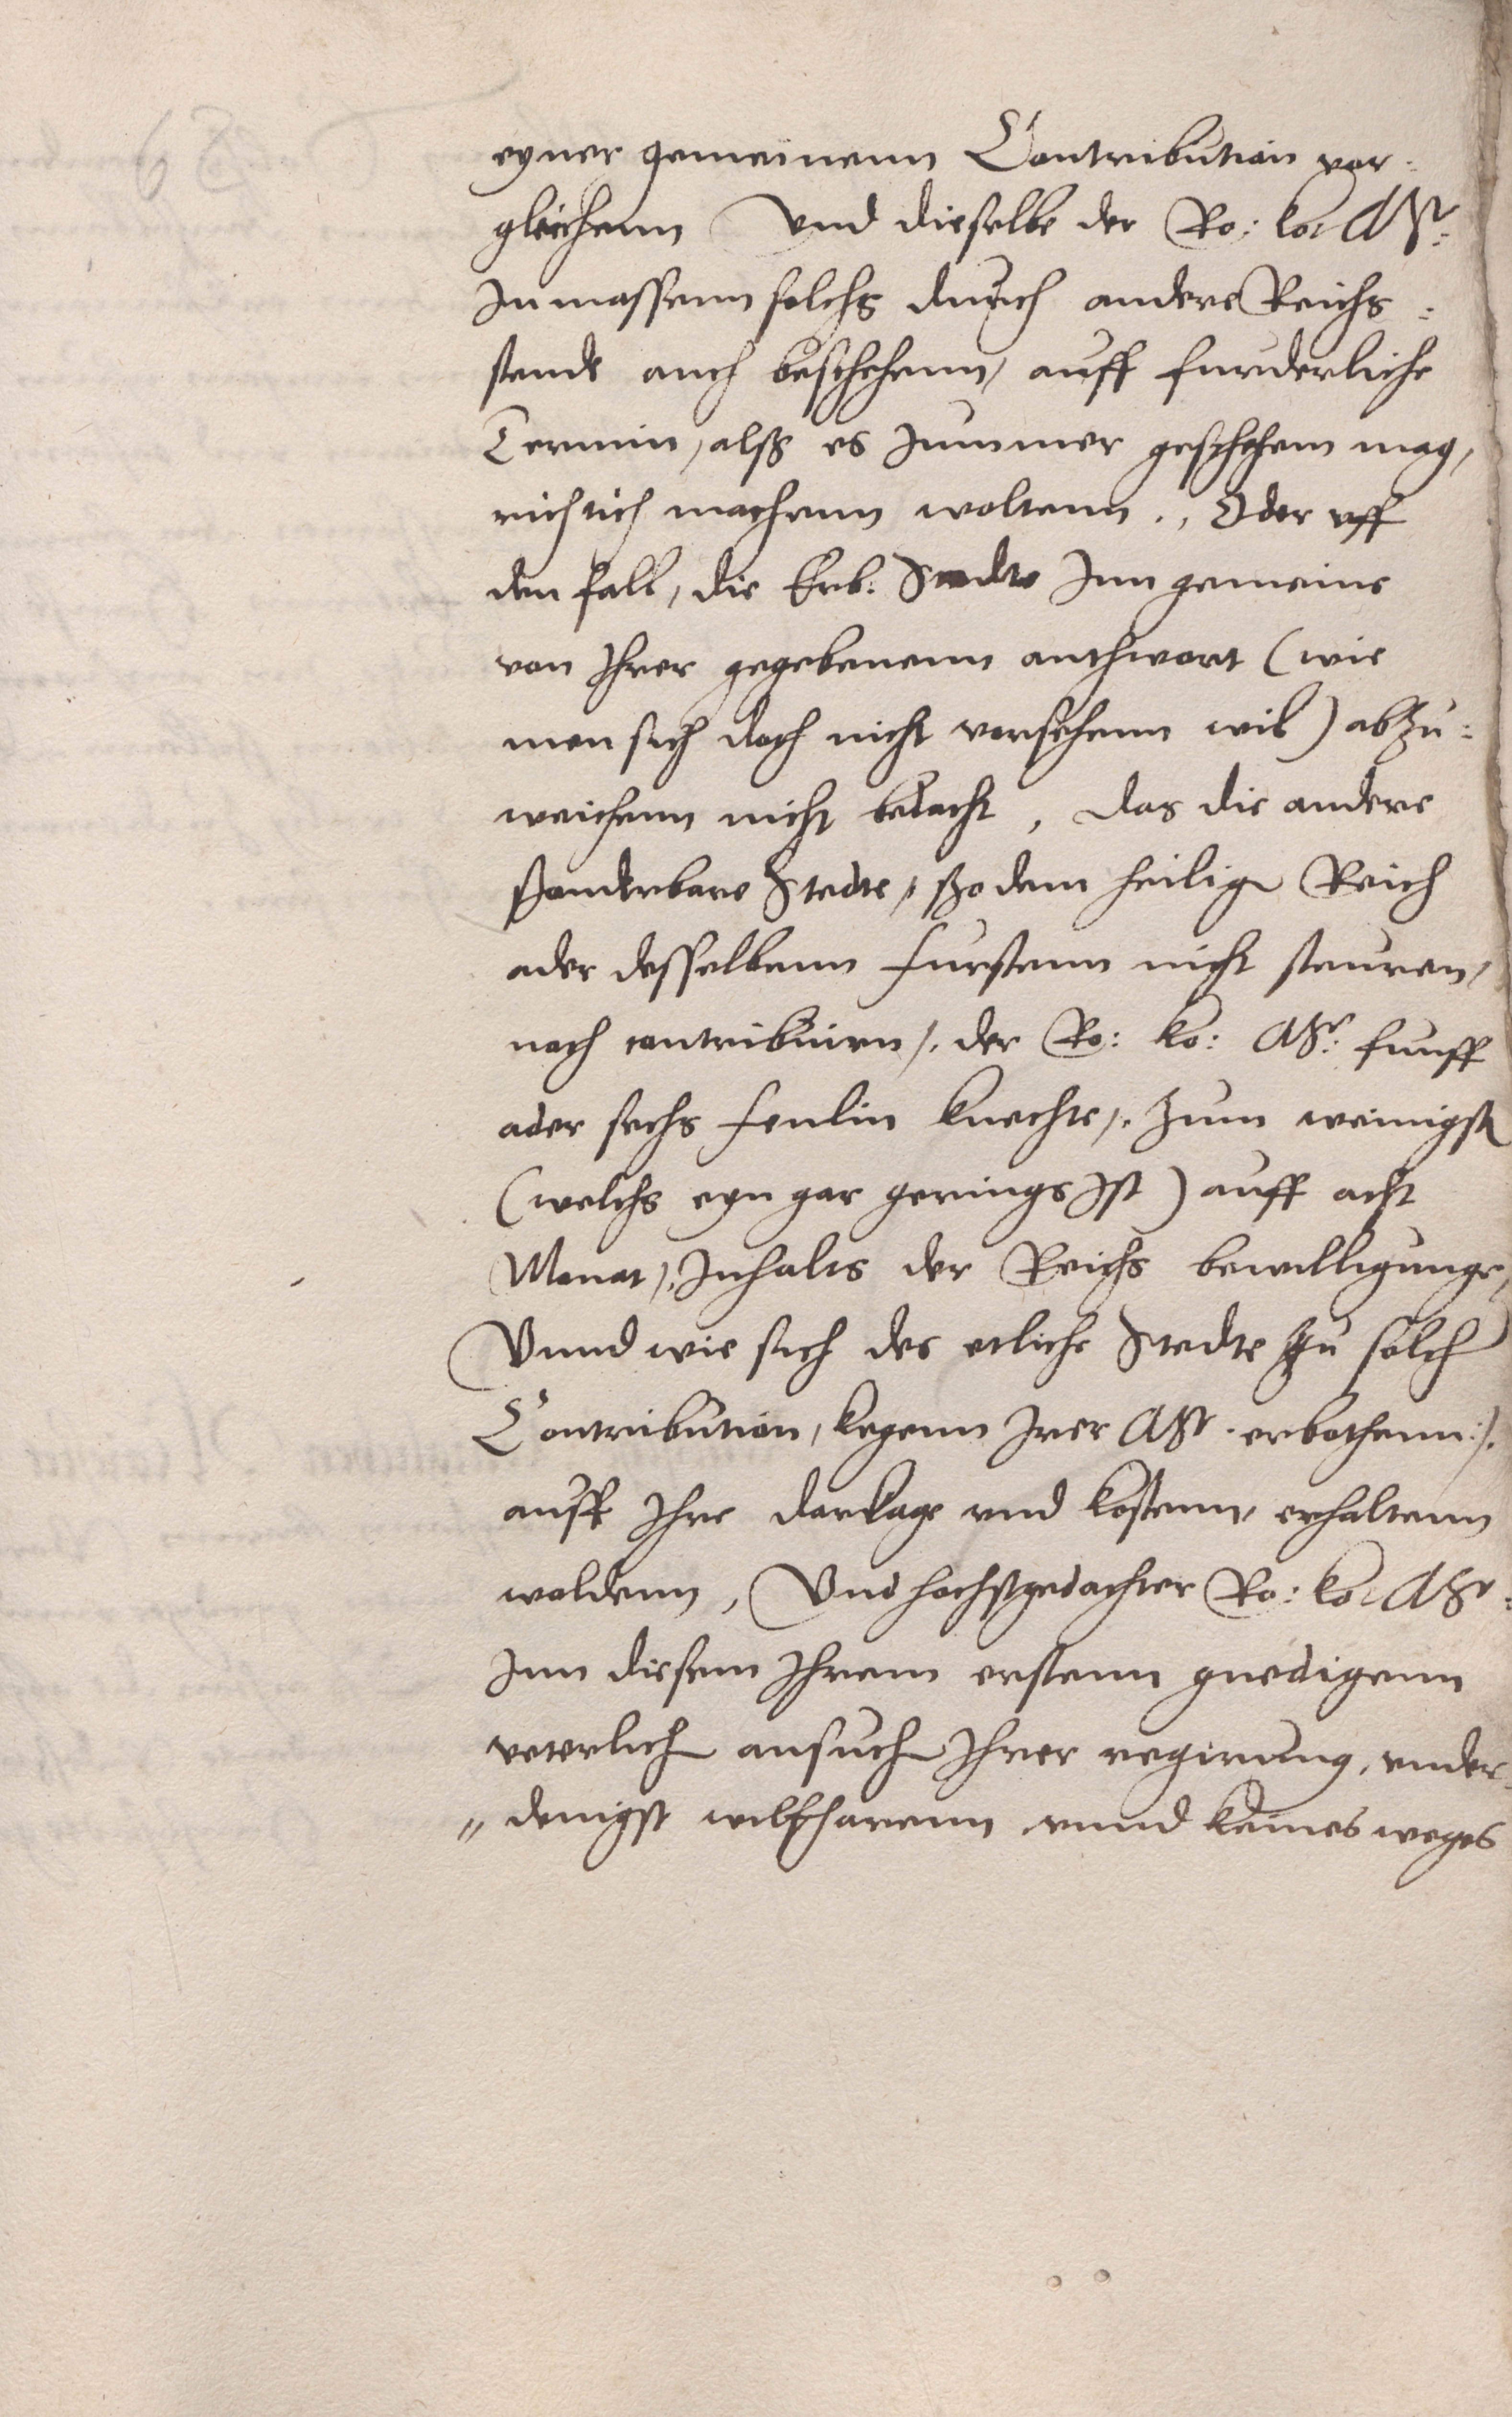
eyner gemeinenn Contribution vor¬
gleichenn Vnd dieselbe der Ro: Ko: Mt:
jn massenn solchs durch andere Reichs¬
stende auch beschehenn, auff furderliche
Termin, alß es jummer geschehenn mag,
richtig machenn woltenn, Oder vff
den fall, die Erb: Stedte jnn gemeine
von jhrer gegebenenn anthwort (wie
men sich doch nicht vorsehenn wil) abzu¬
weichenn nicht bedacht, das die andere
ßonderbare Stedte, ßo dem heiligen Reich
ader desselbenn Furstenn nicht steuren,
noch contribuirn, der Ro: Ko: Mt: funff
ader sechs Fenlin knechte, zum weinigsten
(welchs eyn gar gerings jst) auff acht
Monat, jnhalts der Reichs bewilligunge,
Vnnd wie sich des etliche Stedte zu solcher
Contribution, kegenn jrer M: erbothenn,
auff jhre darlage vnd kostenn, erhaltenn
woldenn, Vnd hochstgedachter Ro: Ko: Mt:
jnn diesem jhrem erstenn gnedigenn
veterlichen ansuchen jhrer regirung, vnder¬
denigst wilfharenn vnnd keines weges
